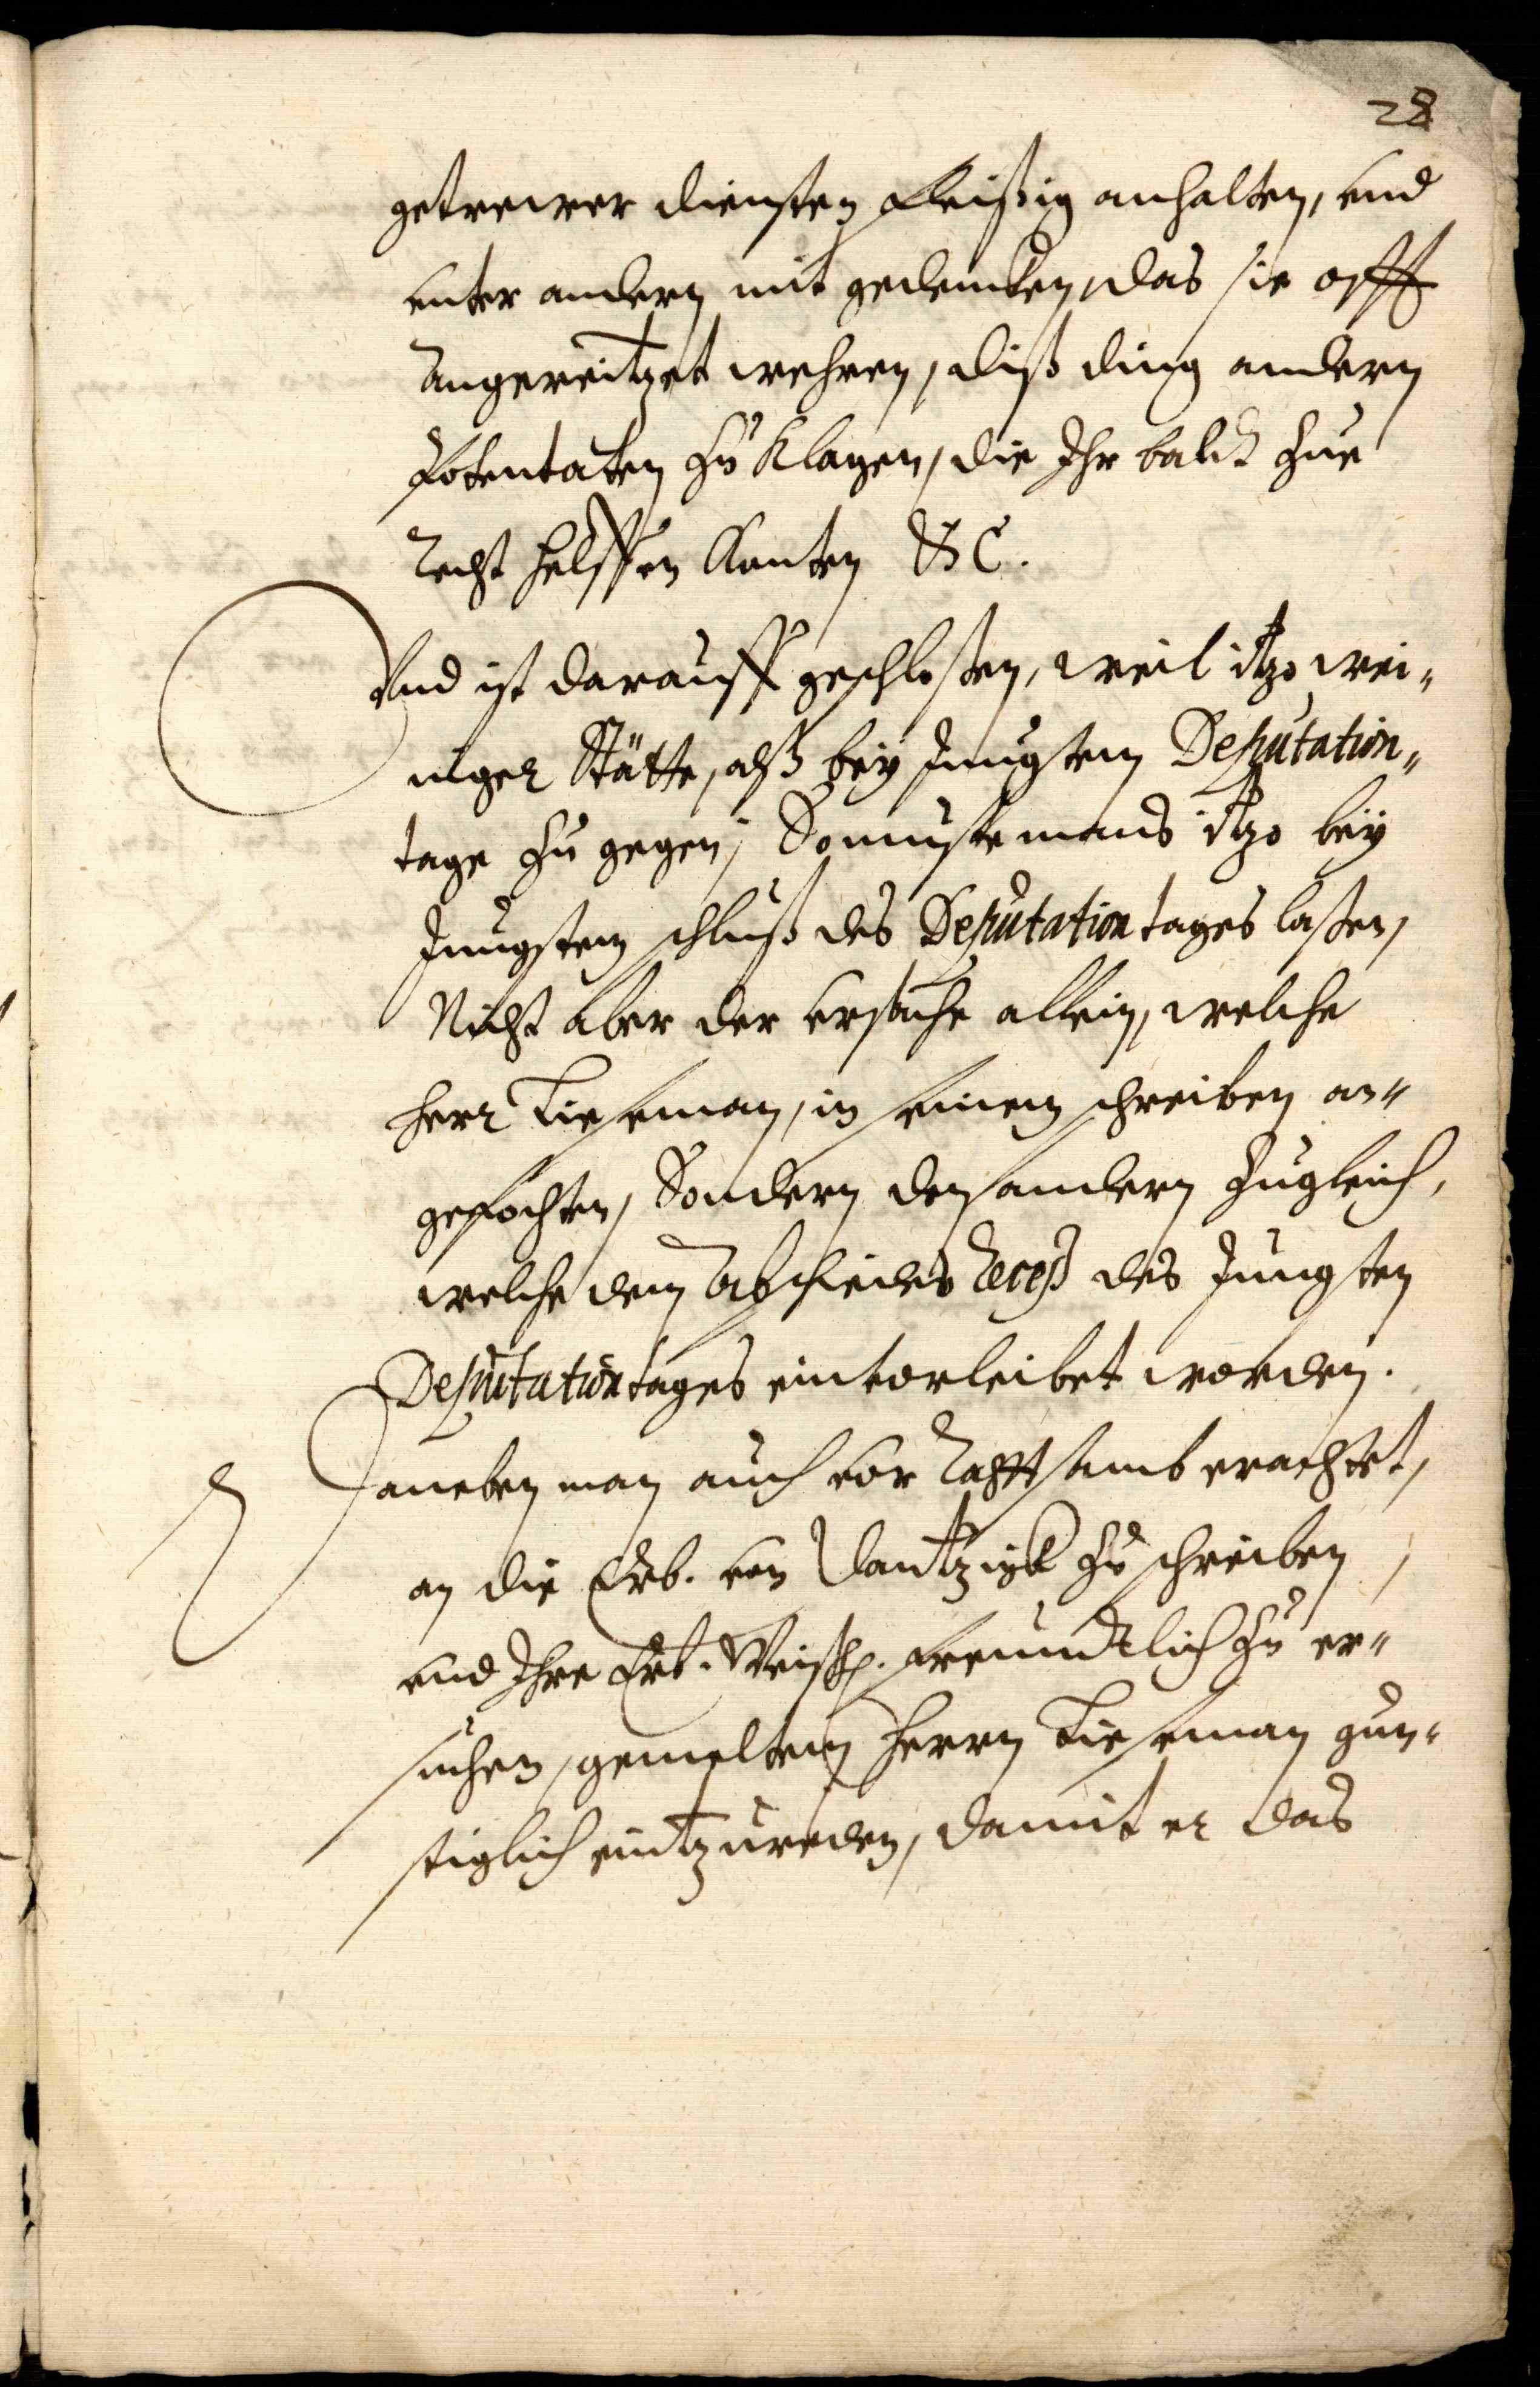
28.
getrewer diensten fleißig anhalten, vnd
vnter andern mit gedencken, das sie offt
Angereitzet wehren, diß ding andern
Potentaten zu klagen, die Ihr baldt zue
recht helffen konten &C.
Vnd ist darauff geschloßen, weil itzo wei¬
nger Stätte, alß beij jungstem Deputation¬
tage zu gegen, So muste mans itzo beij
Jungstem schluß des Deputation tages laßen,
Nicht aber der vrsache allein, welche
herr Lieseman, in seinem schreiben an¬
gefochten, Sondern den andern zugleich,
welche dem abschiedes receß des Jungsten
Deputationtages einvorleibet worden.
Daneben man auch vor rahttsamb erachtet,
an die Erb. von Dantzigk zu schreiben,
vnd Ihre Erb. Weißh: freundtlich zu er¬
suchen, gemeltem herrn Lieseman gun¬
stiglich eintzureden, damit er das
